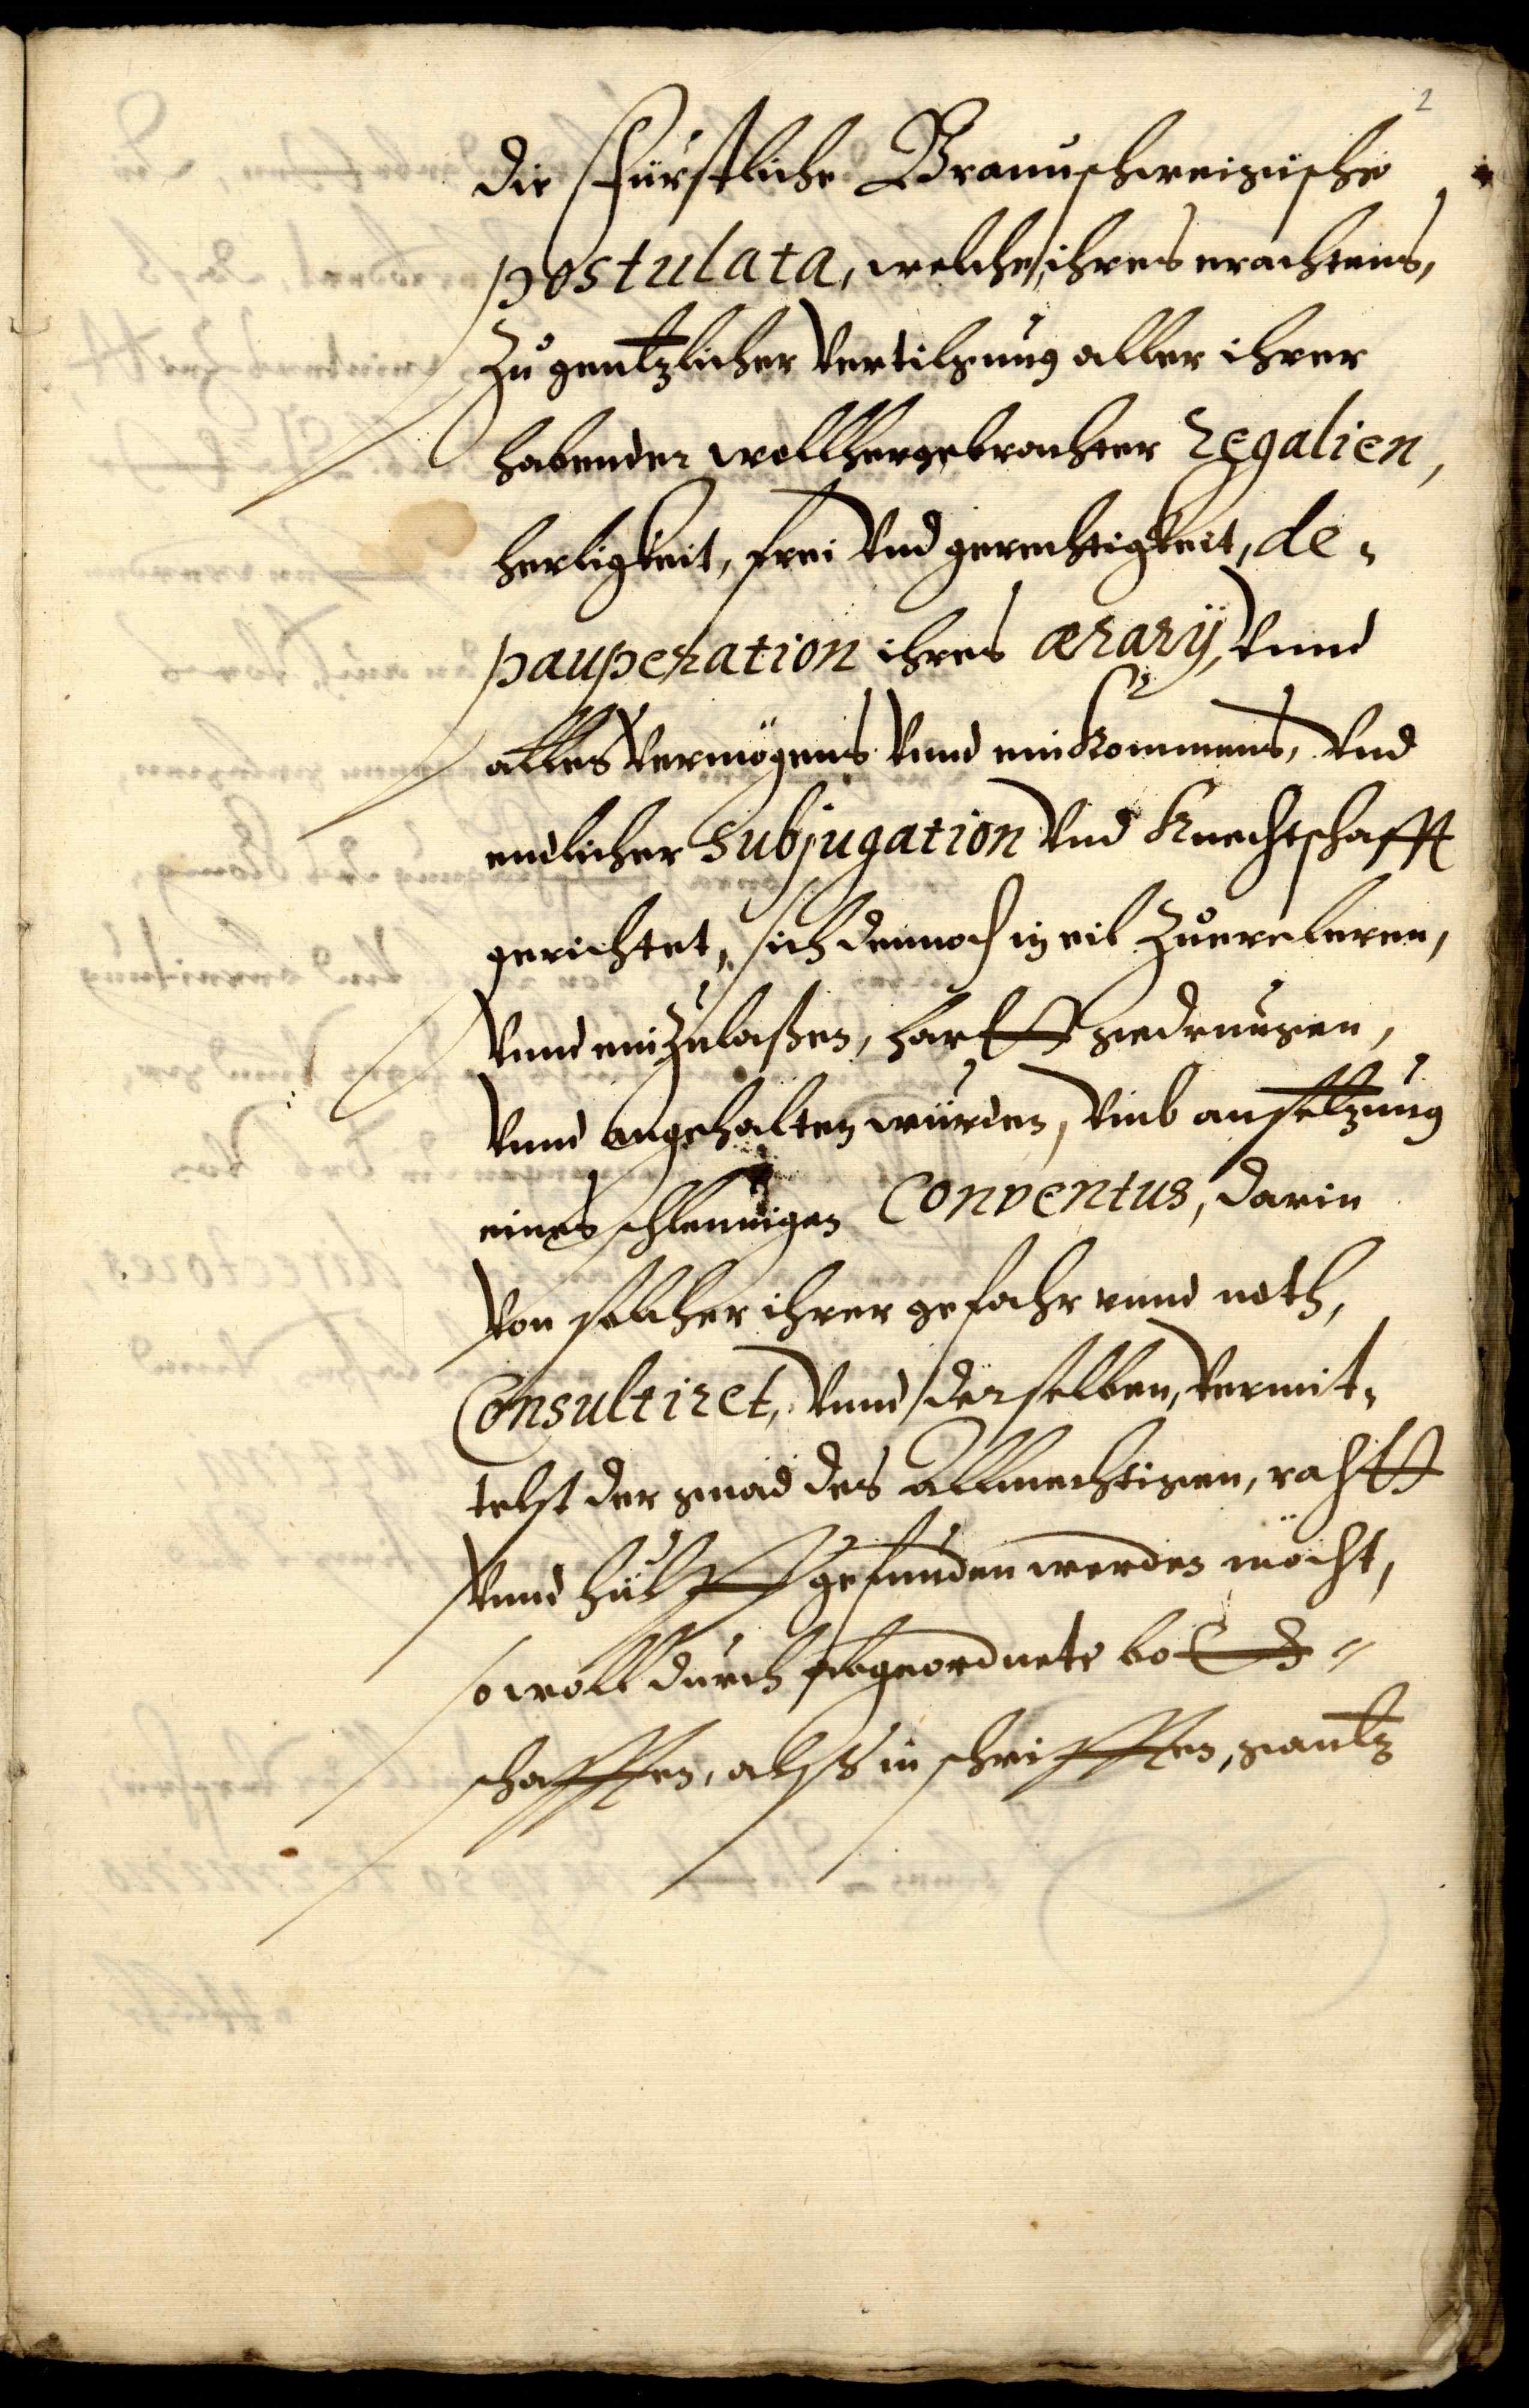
die Fürstliche Braunschweigische
postulata, welche ihres erachtens,
Zu gentzlicher Vertilgung aller ihrer
habender wollhergebrachter regalien,
herligkeit, frei Vnd gerechtigkeit, de¬
pauperation ihres aerarij, Vnnd
alles Vermögens Vnnd einkommens, Vnd
endlicher subjugation Vnd Knechtschafft
gerichtet, sich dennoch in eil Zuercleren,
Vnnd einZulaßen, hartt gedrungen,
Vnnd angehalten würden, Vmb ansetzung
eines schleunigen conventus, darin
Von solcher ihrer gefahr vnnd noth,
Consultiret, Vnnd derselben, Vermit¬
telst der gnad des Allmechtigen, rahtt
Vnd hülff gefunden werden möcht,
so woll durch abgeordnete bott¬
schafften, alß in schriften, gantz
